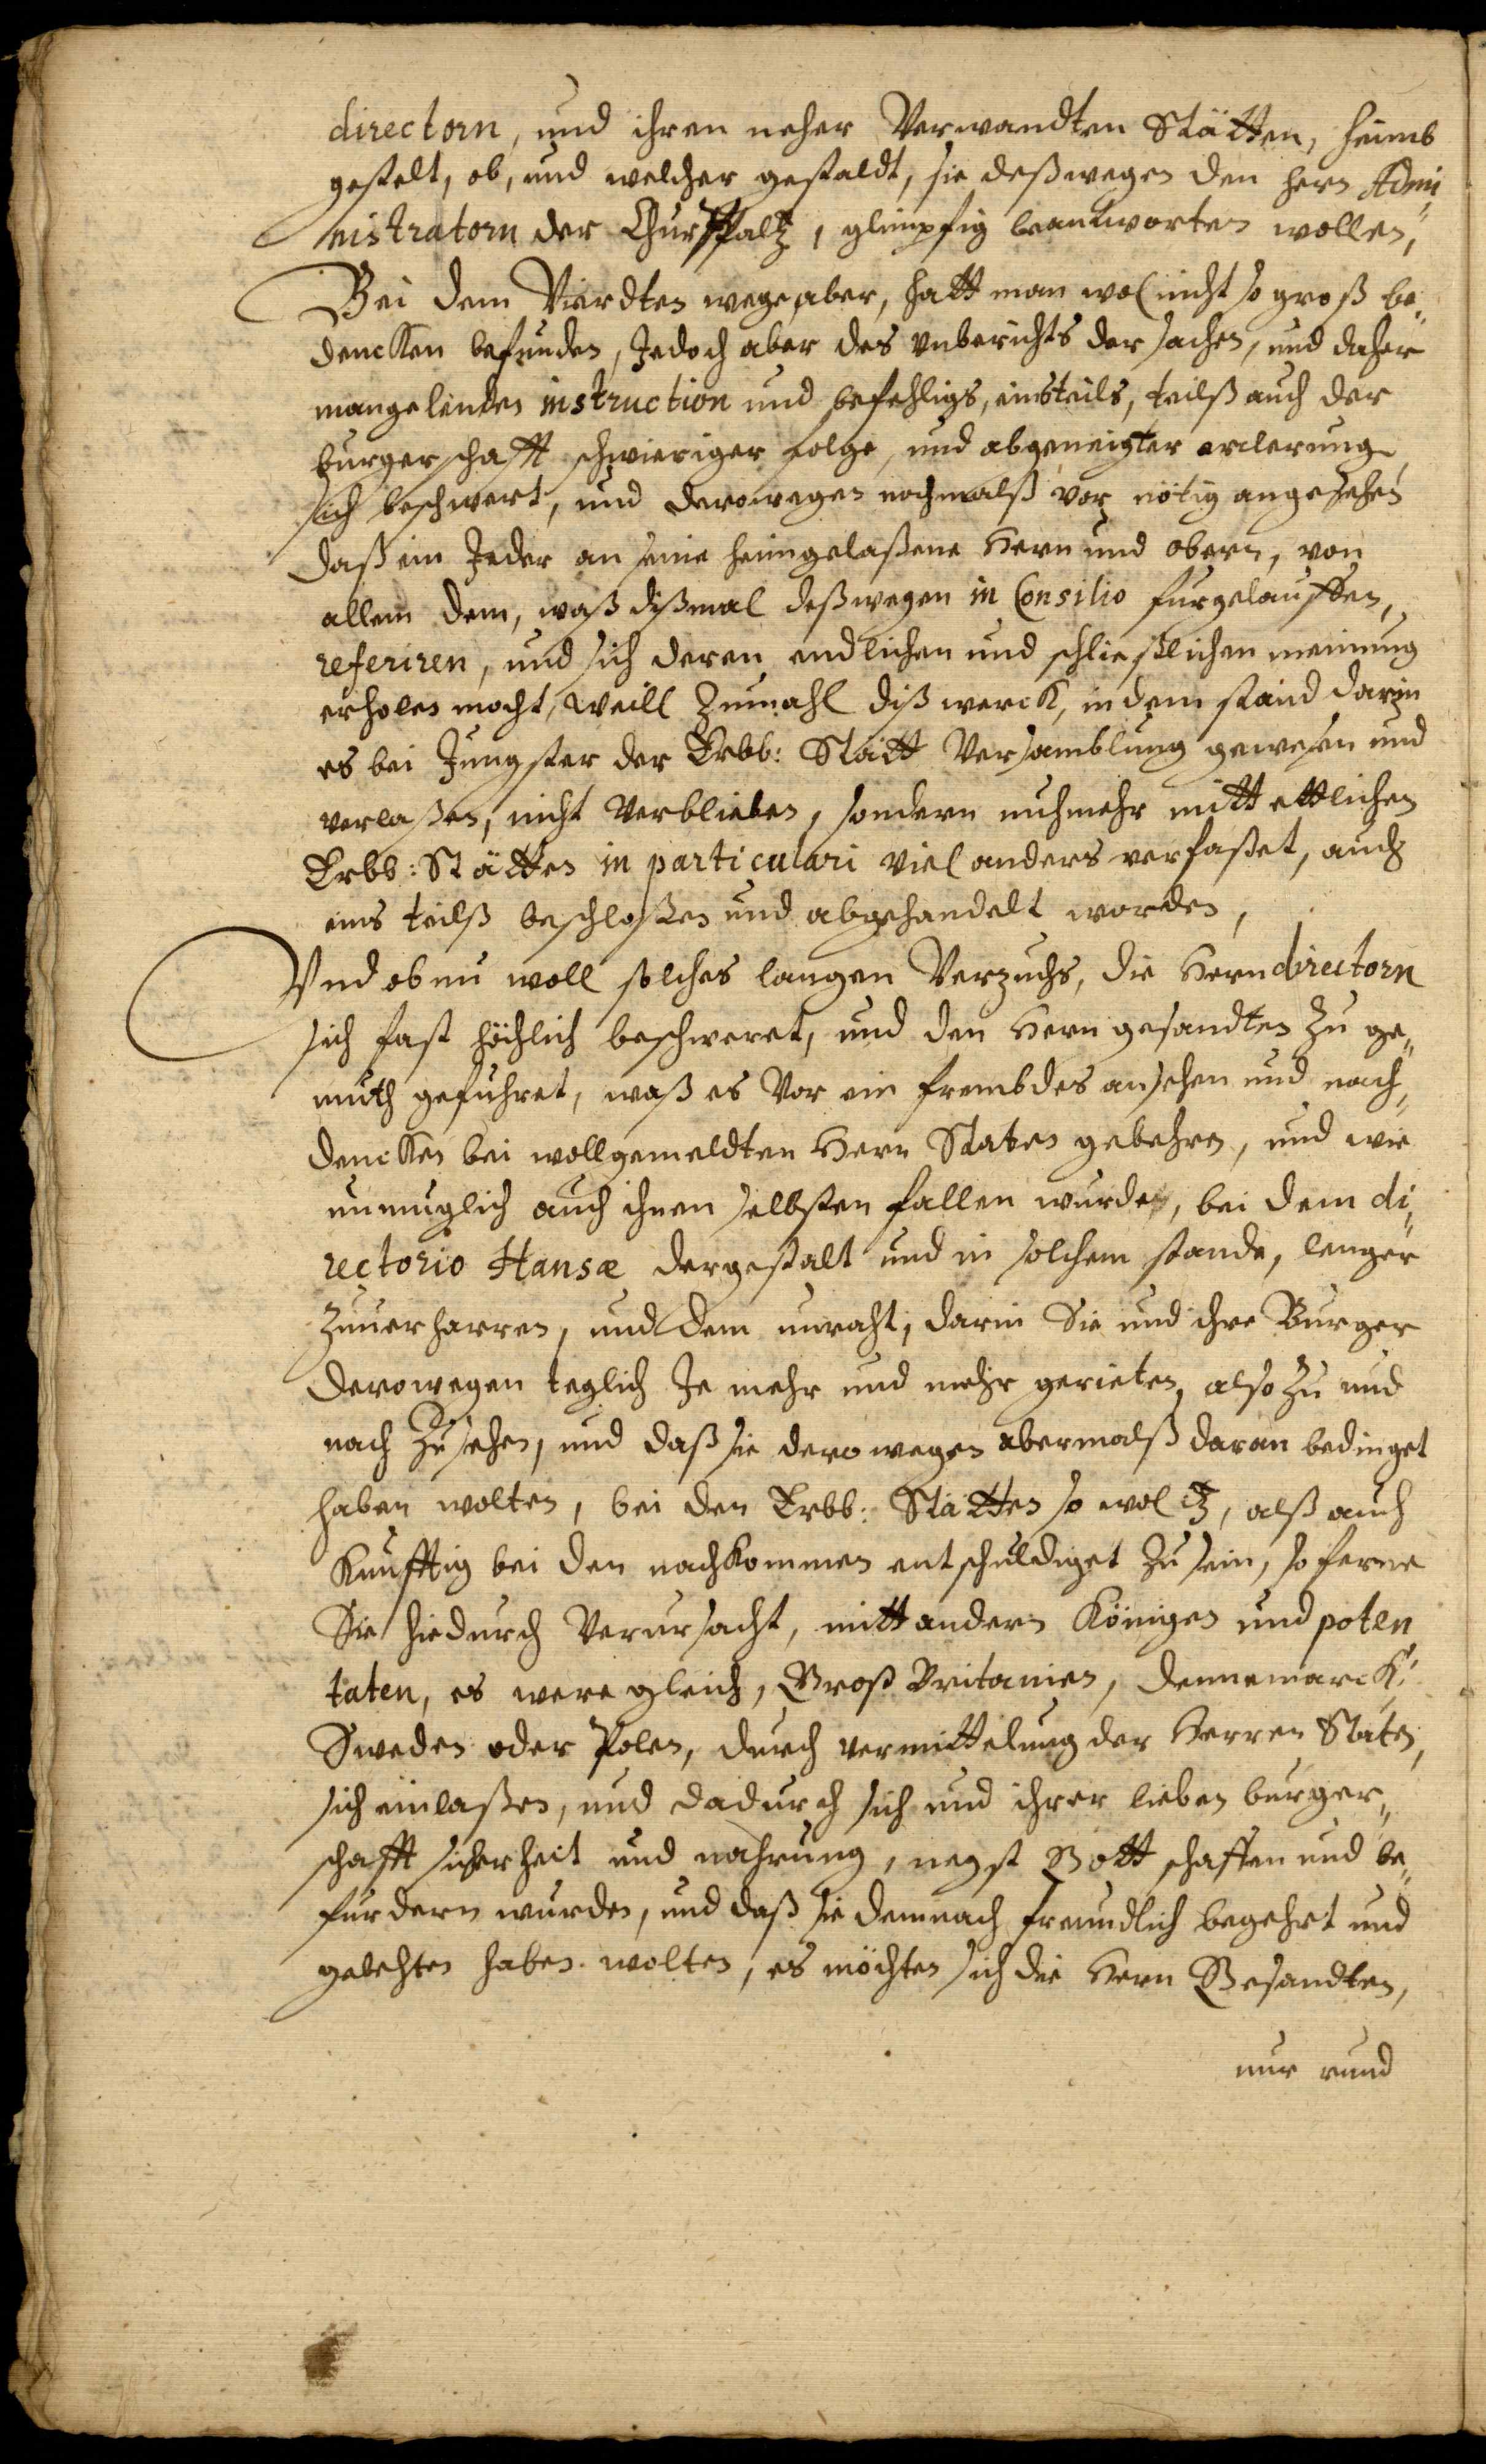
directorn, und ihren neher Verwandten Stätten, heimb
gestelt, ob, und welcher gestaldt, sie deßwegen den hern Admi¬
nistratorn der Churpfaltz, glimpfig beantworten wollen,
Bei dem Vierdten wege aber, hatt man wol nicht so groß be¬
dencken befunden, jedoch aber des vnberichts der sachen, und daher
mangelenden instruction und befehligs, einsteils, teilß auch der
burgerschafft schwieriger folge, vnd abgeneigter erclerung
sich beschwert, und derowegen nochmalß vor nötig angesehen
Daß ein Jeder an seine heimgelaßene Hern und obern, von
allem dem, waß dißmal deßwegen in Consilio furgelauffen,
referiren, und sich deren endlichen und schließlichen meinung
erholen mocht, weill zumahl diß werck, in dem stand darin
es bei Jungster der Erbb: Stätt Versamblung gewesen und
verlaßen, nicht verblieben, sondern nuhmehr mitt ettlichen
Erbb: Stätten in particulari viel anders verfaßet, auch
eins teilß beschloßen und abgehandelt worden,
Vnd ob nu woll solches langen Verzuchs, die Hern directorn
sich fast höchlich beschweret, und den Hern gesandten zu ge¬
muth gefuhret, waß es vor ein frembdes ansehen und nach¬
dencken bei wollgemeldten Hern Staten gebehren, und wie
unmuglich auch ihnen selbsten fallen wurden, bei dem di¬
rectorio Hansae dergestalt und in solchem stande, lenger
zuuerharren, und dem unraht, darin Sie und ihre Burger
derowegen teglich Je mehr und mehr gerieten, also zu und
nach zusehen, und daß sie dero wegen abermalß daran bedinget
haben wolten, bei den Erbb: Stätten so wol itz, alß auch
kunfftig bei den nachkommen entschuldiget zu sein, so ferner
Sie hiedurch verursacht, mitt andern Königen und poten¬
taten, es were gleich, Groß Britanien, Dennemarck,
Sweden oder Polen, durch vermittelung der Herren Staten,
sich einlaßen, und dadurch sich und ihrer lieben burger¬
schafft sicherheit und nahrung, negst Gott schaffen vnd be¬
furdern wurden, und daß sie demnach freundlich begehrt und
gebehten haben wolten, es möchten sich die Hern Gesandten,
nur rund
